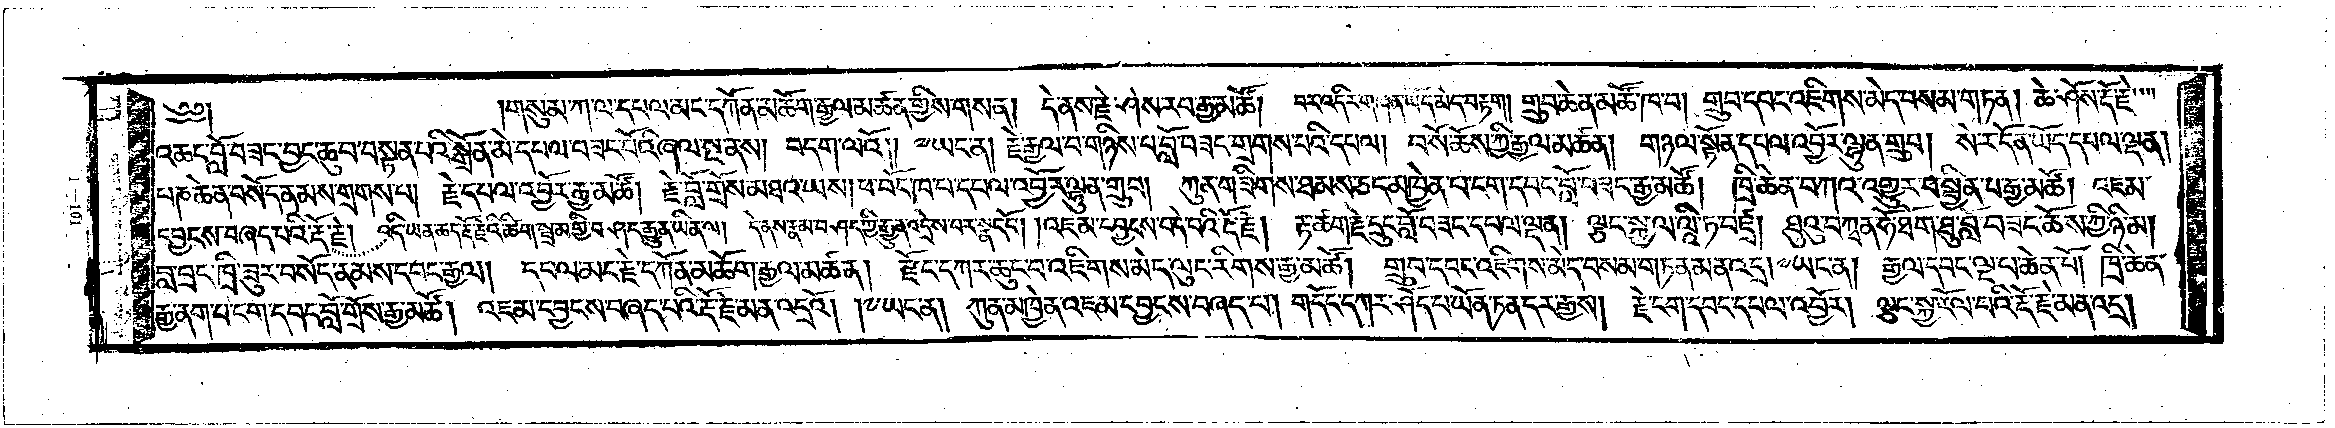༄༅། །གསུམ་ཀ་ལ་དཔལ་མང་དཀོན་མཆོག་རྒྱལ་མཚན་གྱིས་གསན། དེ་ནས་རྗེ་ཤེས་རབ་རྒྱ་མཚོ། བར་འདིར་གཞན་ཡོད་མེད་བརྟག །གྲུབ་ཆེན་མཚོ་ཁ་བ། གྲུབ་དབང་འཇིགས་མེད་བསམ་གཏན། ཆེ་ཤོས་རྡོ་རྗེ་
འཆང་བློ་བཟང་བྱང་ཆུབ་བསྟན་པའི་སྒྲོན་མེ་དཔལ་བཟང་པོའི་ཞལ་སྔ་ནས། བདག་ལའོ། ། ༧ཡང་ན། རྗེ་རྒྱལ་བ་གཉིས་པ་བློ་བཟང་གྲགས་པའི་དཔལ། བ་སོ་ཆོས་ཀྱི་རྒྱལ་མཚན། གཉལ་སྟོན་དཔལ་འབྱོར་ལྷུན་གྲུབ། སེ་ར་དོན་ཡོད་དཔལ་ལྡན།
པཎ་ཆེན་བསོད་ནམས་གྲགས་པ། རྗེ་དཔལ་འབྱོར་རྒྱ་མཚོ། རྗེ་བློ་གྲོས་མཐའ་ཡས། ཕ་བོང་ཁ་པ་དཔལ་འབྱོར་ལྷུན་གྲུབ། ཀུན་གཟིགས་ཐམས་ཅད་མཁྱེན་པ་ངག་དབང་བློ་བཟང་རྒྱ་མཚོ། ཁྲི་ཆེན་བཀའ་འགྱུར་བ་སྦྱིན་པ་རྒྱ་མཚོ། འཇམ་
དབྱངས་བཞད་པའི་རྡོ་རྗེ། འདི་ཡན་ཆད་རྡོ་རྗེའི་ཚིག་སྤྲ་མ་གྱི་བཤད་རྒྱུན་ཡིན་ལ། དེ་ནས་རྣམ་བཤད་ཀྱི་རྒྱུན་འདྲེས་པར་སྣང་ངོ།  །འཇམ་དབྱངས་བདེ་བའི་རྡོ་རྗེ། རྟ་ཚག་རྗེ་དྲུང་བློ་བཟང་དཔལ་ལྡན། ལྕང་སྐྱལ་ལཱི་ཏ་བཛྲ། ཐུའུ་བཀྭན་ཧོ་ཐོག་ཐུ་བློ་བཟང་ཆོས་ཀྱི་ཉི་མ།
བླ་བྲང་ཁྲི་ཟུར་བསོད་ནམས་དབང་རྒྱལ། དཔལ་མང་རྗེ་དཀོན་མཆོག་རྒྱལ་མཚན། རྫོང་དཀར་ཆུང་བ་འཇིགས་མེད་ལུང་རིགས་རྒྱ་མཚོ། གྲུབ་དབང་འཇིགས་མེད་བསམ་གཏན་མ་ན་འདྲ། ༧ཡང་ན། རྒྱལ་དབང་ལྔ་པ་ཆེན་པོ། ཁྲི་ཆེན་
རྒྱ་ནག་པ་ངག་དབང་བློ་གྲོས་རྒྱ་མཚོ། འཇམ་དབྱངས་བཞད་པའི་རྡོ་རྗེ་མན་འདྲའོ། །༧ཡང་ན། ཀུན་མཁྱེན་འཇམ་དབྱངས་བཞད་པ། གདོང་དཀར་ཤོད་པ་ཡོན་ཏན་དར་རྒྱས། རྗེ་ངག་དབང་དཔལ་འབྱོར། ལྕང་སྐྱ་རོལ་བའི་རྡོ་རྗེ་མན་འདྲ།